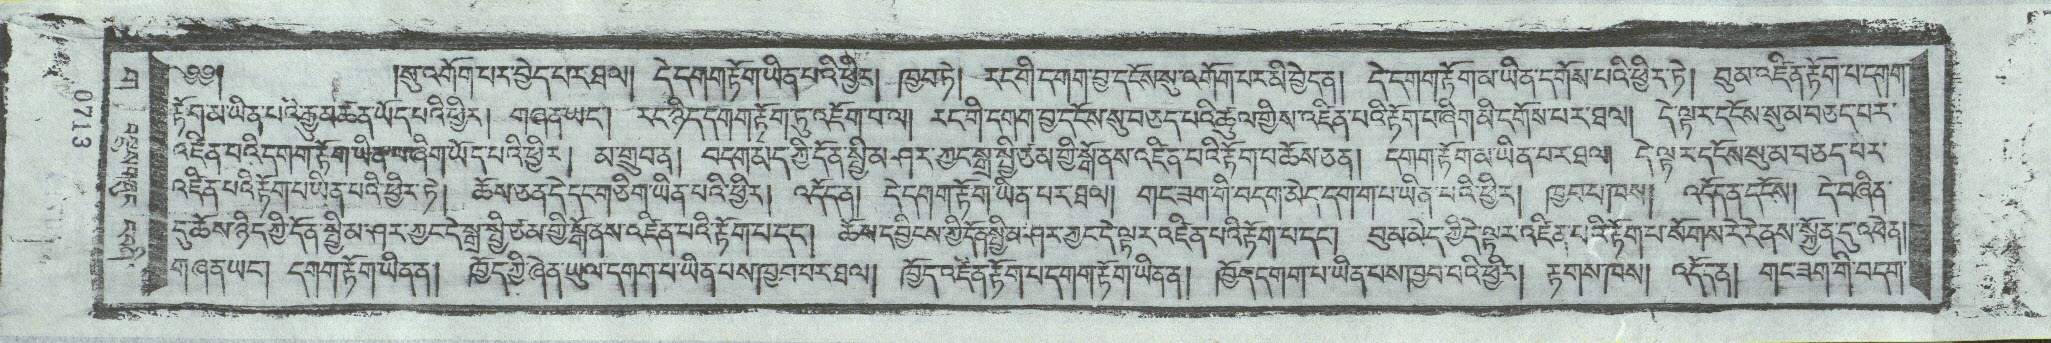༄༅། །སུ་འགོག་པར་བྱེད་པར་ཐལ། དེ་དགག་རྟོག་ཡིན་པའི་ཕྱིར། ཁྱབ་ཏེ། རང་གི་དགག་བྱ་དངོས་སུ་འགོག་པར་མི་བྱེད་ན། དེ་དགག་རྟོག་མ་ཡིན་དགོས་པའི་ཕྱིར་ཏེ། བུམ་འཛིན་རྟོག་པ་དགག་
རྟོག་མ་ཡིན་པའི་རྒྱུ་མཚན་ཡོད་པའི་ཕྱིར། གཞན་ཡང་། རང་ཉིད་དགག་རྟོག་ཏུ་འཇོག་བ་ལ། རང་གི་དགག་བྱ་དངོས་སུ་བཅད་པའི་ཚུལ་གྱིས་འཛིན་པའི་རྟོག་པ་ཞིག་མི་དགོས་པར་ཐལ། དེ་ལྟར་དངོས་སུམ་བཅད་པར་
འཛིན་པའི་དགག་རྟོག་ཡིན་བ་ཞིག་ཡོད་པའི་ཕྱིར། མ་གྲུབ་ན། བདག་མད་ཀྱི་དོན་སྤྱི་མ་ཤར་ཀྱང་སྒྲ་སྤྱི་ཙམ་གྱི་སྒོ་ནས་འཛིན་པའི་རྟོག་པ་ཆོས་ཅན། དགག་རྟོག་མ་ཡིན་པར་ཐལ། དེ་ལྟར་དངོས་སུམ་བཅད་པར་
འཛིན་པའི་རྟོག་པ་ཡིན་པའི་ཕྱིར་ཏེ། ཆོས་ཅན་དེ་དང་གཅིག་ཡིན་པའི་ཕྱིར། འདོད་ན། དེ་དགག་རྟོག་ཡིན་པར་ཐལ། གང་ཟག་གི་བདག་མེད་དགག་པ་ཡིན་པའི་ཕྱིར། ཁྱབ་པ་ཁས། འདོད་ན་དངོས། དེ་བཞིན་
དུ་ཆོས་ཉིད་ཀྱི་དོན་སྤྱི་མ་ཤར་ཀྱང་དེ་སྒྲ་སྤྱི་ཙམ་གྱི་སྒོ་ནས་འཛིན་པའི་རྟོག་པ་དང་། ཆོས་དབྱིངས་ཀྱི་དོན་སྤྱི་མ་ཤར་ཀྱང་དེ་ལྟར་འཛིན་པའི་རྟོག་པ་དང་། བུམ་མེད་ཀྱི་དེ་ལྟར་འཛིན་པའི་རྟོག་པ་སོགས་རེ་རེ་ནས་སྐྱོན་དུ་འཕེན།
གཞན་ཡང་། དགག་རྟོག་ཡིན་ན། ཁྱོད་ཀྱི་ཞེན་ཡུལ་དགག་པ་ཡིན་པས་ཁྱབ་པར་ཐལ། ཁྱོད་འཛིན་རྟོག་པ་དགག་རྟོག་ཡིན་ན། ཁྱོད་དགག་པ་ཡིན་པས་ཁྱབ་པའི་ཕྱིར། རྟགས་ཁས། འདོད་ན། གང་ཟག་གི་བདག་